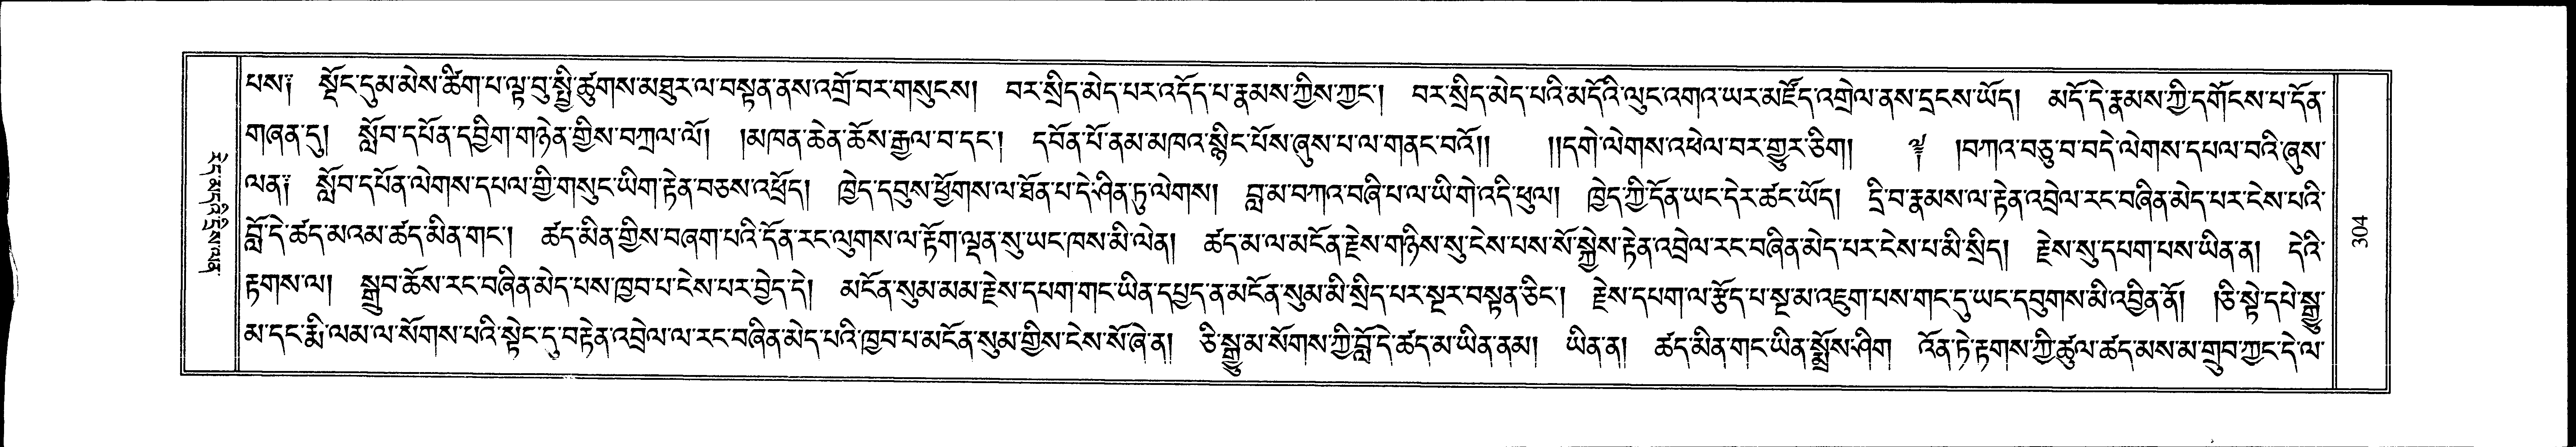པས། སྡོང་དུམ་མེས་ཚིག་པ་ལྟ་བུ་སྤྱི་ཚུགས་མཐུར་ལ་བསྟན་ནས་འགྲོ་བར་གསུངས། བར་སྲིད་མེད་པར་འདོད་པ་རྣམས་ཀྱིས་ཀྱང་། བར་སྲིད་མེད་པའི་མདོའི་ལུང་འགའ་ཡར་མཛོད་འགྲེལ་ནས་དྲངས་ཡོད། མདོ་དེ་རྣམས་ཀྱི་དགོངས་པ་དོན་
གཞན་དུ། སློབ་དཔོན་དབྱིག་གཉེན་གྱིས་བཀྲལ་ལོ། །མཁན་ཆེན་ཆོས་རྒྱལ་བ་དང་། དབོན་པོ་ནམ་མཁའ་སྙིང་པོས་ཞུས་པ་ལ་གནང་བའོ།། །།དགེ་ལེགས་འཕེལ་བར་གྱུར་ཅིག། ༈ །བཀའ་བཅུ་བ་བདེ་ལེགས་དཔལ་བའི་ཞུས་
ལན། སློབ་དཔོན་ལེགས་དཔལ་གྱི་གསུང་ཡིག་རྟེན་བཅས་འཕྲོད། ཁྱེད་དབུས་ཕྱོགས་ལ་ཐོན་པ་དེ་ཤིན་ཏུ་ལེགས། བླ་མ་བཀའ་བཞི་པ་ལ་ཡི་གེ་འདི་ཕུལ། ཁྱེད་ཀྱི་དོན་ཡང་དེར་ཚང་ཡོད། དྲི་བ་རྣམས་ལ་རྟེན་འབྲེལ་རང་བཞིན་མེད་པར་ངེས་པའི་
བློ་དེ་ཚད་མའམ་ཚད་མིན་གང་། ཚད་མིན་གྱིས་བཞག་པའི་དོན་རང་ལུགས་ལ་རྟོག་ལྡན་སུ་ཡང་ཁས་མི་ལེན། ཚད་མ་ལ་མངོན་རྗེས་གཉིས་སུ་ངེས་པས་སོ་སྐྱེས་རྟེན་འབྲེལ་རང་བཞིན་མེད་པར་ངེས་པ་མི་སྲིད། རྗེས་སུ་དཔག་པས་ཡིན་ན། དེའི་
རྟགས་ལ། སྒྲུབ་ཆོས་རང་བཞིན་མེད་པས་ཁྱབ་པ་ངེས་པར་བྱེད་དེ། མངོན་སུམ་མམ་རྗེས་དཔག་གང་ཡིན་དཔྱད་ན་མངོན་སུམ་མི་སྲིད་པར་སྔར་བསྟན་ཅིང་། རྗེས་དཔག་ལ་རྩོད་པ་སྔ་མ་འཇུག་པས་གང་དུ་ཡང་དབུགས་མི་འབྱིན་ནོ། །ཅི་སྟེ་དཔེ་སྒྱུ་
མ་དང་རྨི་ལམ་ལ་སོགས་པའི་སྟེང་དུ་བརྟེན་འབྲེལ་ལ་རང་བཞིན་མེད་པའི་ཁྱབ་པ་མངོན་སུམ་གྱིས་ངེས་སོ་ཞེ་ན། ཅི་སྒྱུ་མ་སོགས་ཀྱི་བློ་དེ་ཚད་མ་ཡིན་ནམ། ཡིན་ན། ཚད་མིན་གང་ཡིན་སྨྲོས་ཤིག་འོན་ཏེ་རྟགས་ཀྱི་ཚུལ་ཚད་མས་མ་གྲུབ་ཀྱང་དེ་ལ་